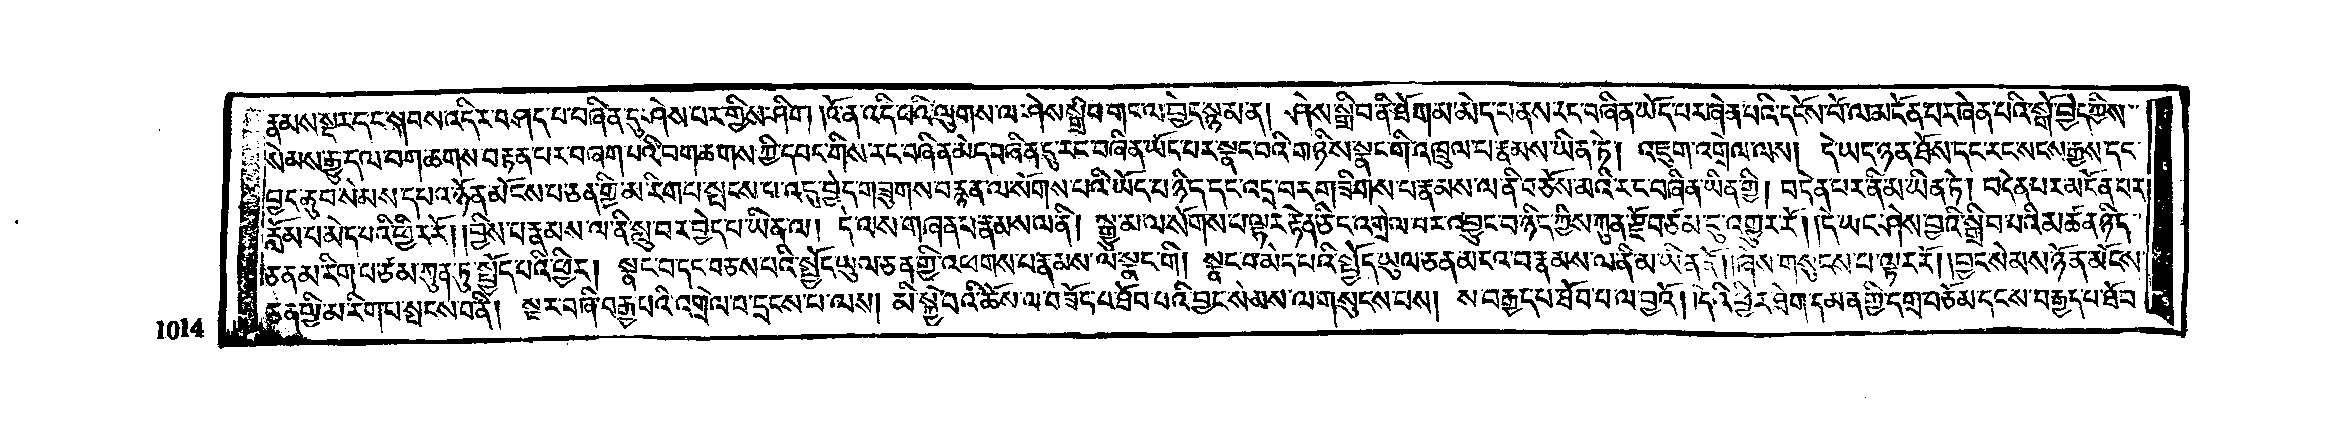རྣམས་སྔར་དང་སྐབས་འདིར་བཤད་པ་བཞིན་དུ་ཤེས་པར་གྱིས་ཤིག །འོ་ན་འདི་པའི་ལུགས་ལ་ཤེས་སྒྲིབ་གང་ལ་བྱེད་སྙམ་ན། ཤེས་སྒྲིབ་ནི་ཐོག་མ་མེད་པ་ནས་རང་བཞིན་ཡོད་པར་ཞེན་པའི་དངོས་པོ་ལ་མངོན་པར་ཞེན་པའི་སྒོ་བྱེད་ཀྱིས་
སེམས་རྒྱུད་ལ་བག་ཆགས་བརྟན་པར་བཞག་པའི་བག་ཆགས་ཀྱི་དབང་གིས་རང་བཞིན་མེད་བཞིན་དུ་རང་བཞིན་ཡོད་པར་སྣང་བའི་གཉིས་སྣང་གི་འཁྲུལ་པ་རྣམས་ཡིན་ཏེ། འཇུག་འགྲེལ་ལས། དེ་ཡང་ཉན་ཐོས་དང་རང་སངས་རྒྱས་དང་
བྱང་ཆུབ་སེམས་དཔའ་ཉོན་མོངས་པ་ཅན་གྱི་མ་རིག་པ་སྤངས་པ་འདུ་བྱེད་གཟུགས་བརྙན་ལ་སོགས་པའི་ཡོད་པ་ཉིད་དང་འདྲ་བར་གཟིགས་པ་རྣམས་ལ་ནི་བཅོས་མའི་རང་བཞིན་ཡིན་གྱི། བདེན་པར་ནི་མ་ཡིན་ཏེ། བདེན་པར་མངོན་པར་
རློམ་པ་མེད་པའི་ཕྱིར་རོ། །བྱིས་པ་རྣམས་ལ་ནི་སླུ་བར་བྱེད་པ་ཡིན་ལ། དེ་ལས་གཞན་པ་རྣམས་ལ་ནི། སྒྱུ་མ་ལ་སོགས་པ་ལྟར་རྟེན་ཅིང་འབྲེལ་པར་འབྱུང་བ་ཉིད་ཀྱིས་ཀུན་རྫོབ་ཙམ་དུ་འགྱུར་རོ། །དེ་ཡང་ཤེས་བྱའི་སྒྲིབ་པའི་མཚན་ཉིད་
ཅན་མ་རིག་པ་ཙམ་ཀུན་ཏུ་སྤྱོད་པའི་ཕྱིར། སྣང་བ་དང་བཅས་པའི་སྤྱོད་ཡུལ་ཅན་གྱི་འཕགས་པ་རྣམས་ལ་སྣང་གི། སྣང་བ་མེད་པའི་སྤྱོད་ཡུལ་ཅན་མངའ་བ་རྣམས་ལ་ནི་མ་ཡིན་ནོ། །ཞེས་གསུངས་པ་ལྟར་རོ། །བྱང་སེམས་ཉོན་མོངས་
ཅན་གྱི་མ་རིག་པ་སྤངས་པ་ནི། སྔར་བཞི་བརྒྱ་པའི་འགྲེལ་པ་དྲངས་པ་ལས། མི་སྐྱེ་བའི་ཆོས་ལ་བཟོད་པ་ཐོབ་པའི་བྱང་སེམས་ལ་གསུངས་པས། ས་བརྒྱད་པ་ཐོབ་པ་ལ་བྱའོ། །དེའི་ཕྱིར་ཐེག་དམན་གྱི་དགྲ་བཅོམ་དང་ས་བརྒྱད་པ་ཐོབ་